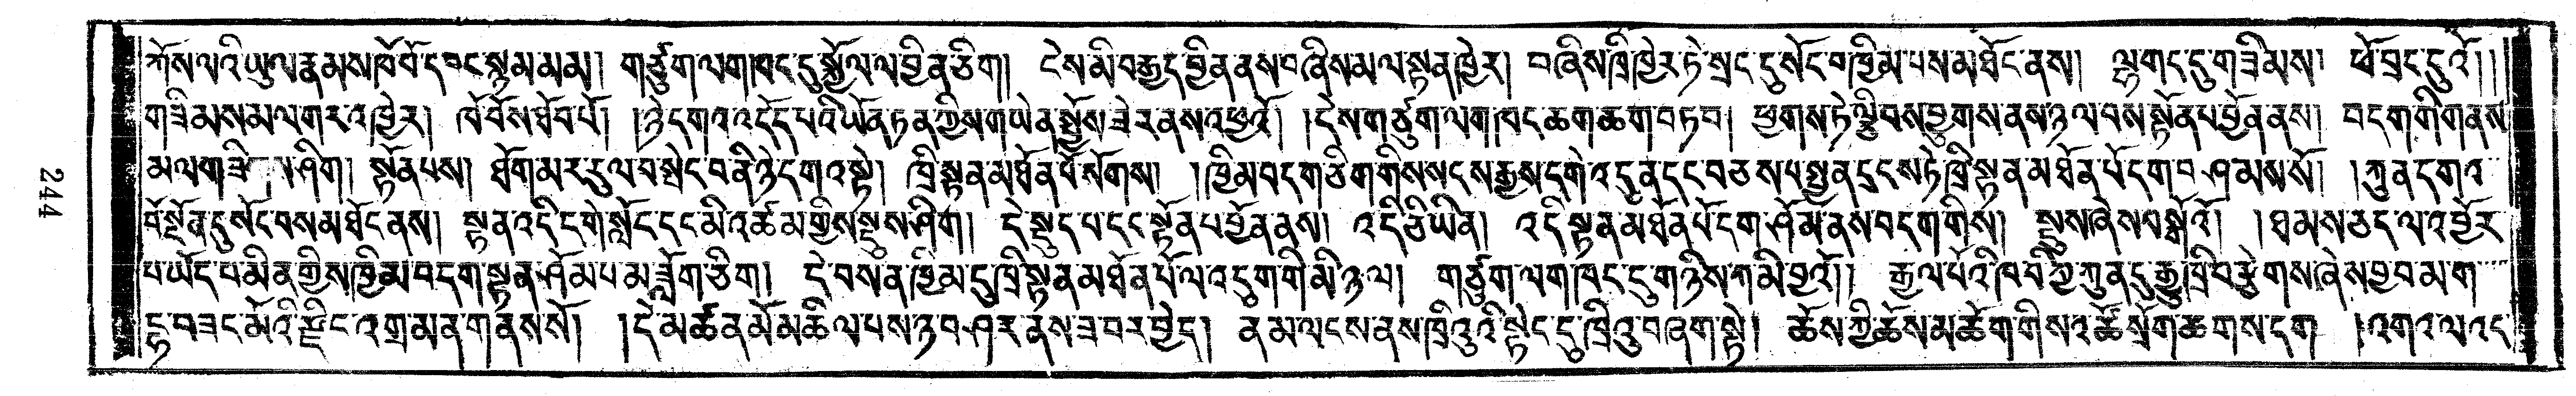ཀོས་ལའི་ཡུལ་རྣམས་ཁོ་བོ་དབང་སྙམ་མམ། གཙུག་ལག་ཁང་དུ་སྐྱོལ་ལ་བྱིན་ཅིག། ངེས་མི་བརྒྱད་བྱིན་ནས་བཞིས་མལ་སྟན་ཁྱེར། བཞིས་ཁྲི་ཁྱེར་ཏེ་སྲང་དུ་སོང་བ་ཁྱིམ་པས་མཐོང་ནས། ལྷ་གང་དུ་གཟིམས། ཕོ་བྲང་དུའོ།།
གཟིམས་མལ་གར་འཁྱེར། ཁོ་བོས་ཐོབ་པོ། །ཉེ་དགའ་འདོད་པའི་ཡོན་ཏན་ཀྱིས་གཡེན་སྤྱོས་ཟེར་ནས་འཕྱའོ། །དེས་གཙུག་ལག་ཁང་ཆག་ཆག་བཏབ། ཕྱགས་ཏེ་ལྕིབས་བྱུགས་ནས་ཉལ་བས་སྟོན་པ་བྱོན་ནས། བདག་གི་གནས་
མལ་གཟིགས་ཤིག །སྟོན་པས། ཐོག་མར་རུལ་བ་སྤེང་བ་ནི་ཉེ་དགའ་སྟེ། ཁྲི་སྟན་མཐོན་པོ་སོགས། །ཁྱིམ་བདག་ཅིག་གིས་སངས་རྒྱས་དགེ་འདུན་དང་བཅས་པ་སྤྱན་དྲངས་ཏེ་ཁྲི་སྟན་མཐོན་པོ་དག་བཤམས་སོ། །ཀུན་དགའ་
བོ་སྔོན་དུ་སོང་བས་མཐོང་ནས། སྟན་འདི་དགེ་སློང་དང་མི་འཚམ་གྱིས་སྡུས་ཤིག། དེ་སྡུད་པ་དང་སྟོན་པ་བྱོན་ནས། འདི་ཅི་ཡིན། འདི་སྟན་མཐོན་པོ་དག་ཤོམ་ནས་བདག་གིས། སྡུས་ཞེས་བསྒོའོ། །ཐམས་ཅད་ལ་འབྱོར་
པ་ཡོད་པ་མིན་གྱིས་ཁྱིམ་བདག་སྟན་ཤོམ་པ་མ་ཟློག་ཅིག། དེ་བས་ན་ཁྱིམ་དུ་ཁྲི་སྟན་མཐོན་པོ་ལ་འདུག་གི་མི་ཉལ། གཙུག་ལག་ཁང་དུ་གཉིས་ཀ་མི་བྱའོ།། རྒྱལ་པོའི་ཁབ་ཀྱི་ཀུན་དུ་རྒྱུ་ཁྲི་བརྩེགས་ཞེས་བྱ་བ་མ་ག་
དྷ་བཟང་མོའི་རྫིང་འགྲ་མན་གནས་སོ། །དེ་མཚན་མོ་མཆིལ་པས་ཉ་བཤར་ནས་ཟ་བར་བྱེད། ནམ་ལངས་ནས་ཁྲིའུའི་སྟེང་དུ་ཁྲིའུ་བཞག་སྟེ། ཆོས་ཀྱི་ཆོས་མཆོག་གིས་འཚོ་སྲོག་ཆགས་དག །འགའ་ལའང་